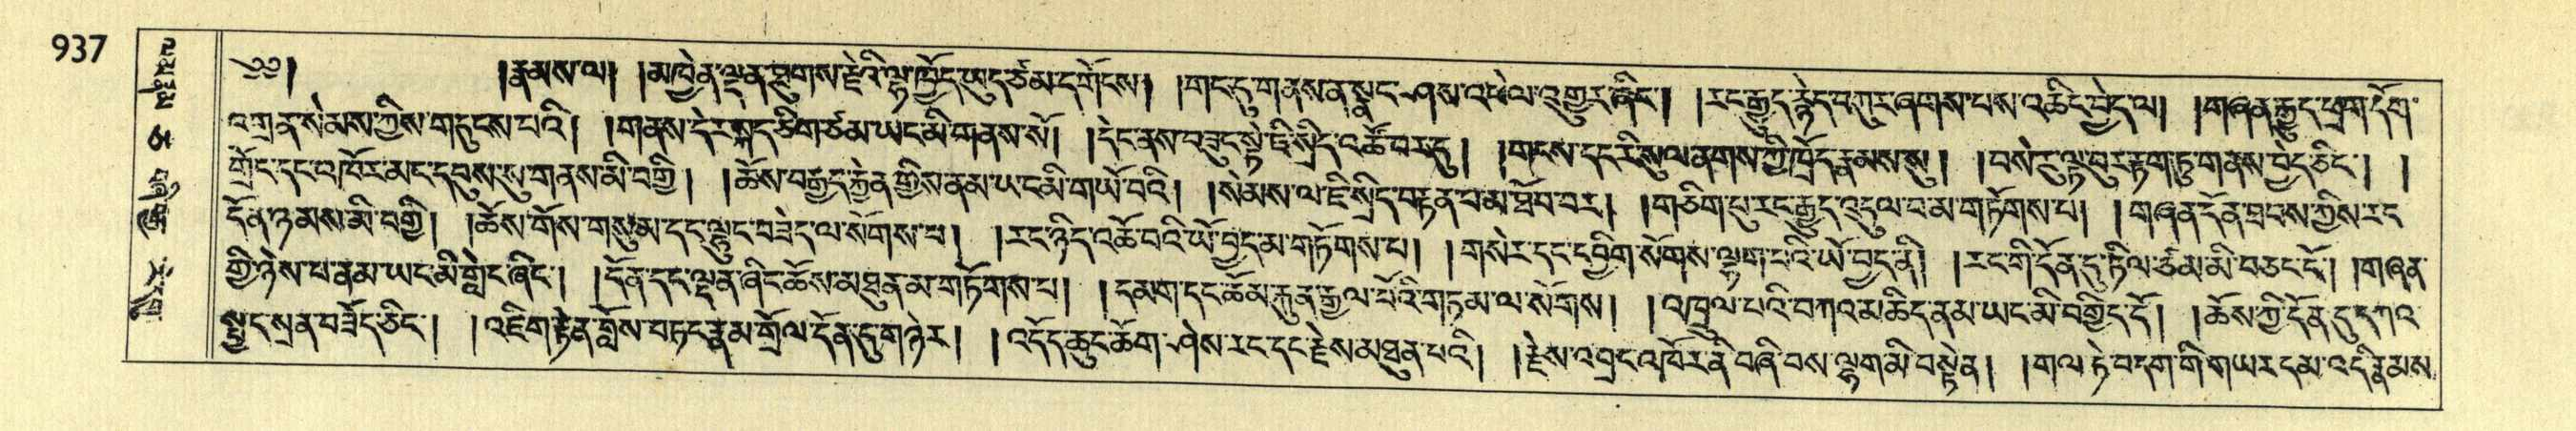༄༅། །རྣམས་ལ། །མཁྱེན་ལྡན་ཐུགས་རྗེའི་ལྷ་ཁྱོད་ཡུད་ཙམ་དགོངས། །གང་དུ་གནས་ན་སྣང་ཤས་འཕེལ་འགྱུར་ཞིང་། །རང་རྒྱུད་རྙེད་བཀུར་ཞགས་པས་འཆིང་བྱེད་ལ། །གཞན་རྒྱུད་ཕྲག་དོག་
འགྲན་སེམས་ཀྱིས་གདུངས་པའི། །གནས་དེར་སྐད་ཅིག་ཙམ་ཡང་མི་གནས་སོ། །དེང་ནས་བཟུང་སྟེ་ཇི་སྲིད་འཚོ་བར་དུ། །གངས་དང་རི་སུལ་ནགས་ཀྱི་ཁྲོད་རྣམས་སུ། །བསེ་རུ་ལྟ་བུར་རྟག་ཏུ་གནས་བྱེད་ཅིང་། །
གྲོང་དང་འཁོར་མང་དབུས་སུ་གནས་མི་བགྱི། །ཆོས་བརྒྱད་རྐྱེན་གྱིས་ནམ་ཡང་མི་གཡོ་བའི། །སེམས་ལ་ཇི་སྲིད་བརྟན་པ་མ་ཐོབ་བར། །གཅིག་པུ་རང་རྒྱུད་འདུལ་བ་མ་གཏོགས་པ། །གཞན་དོན་ཐབས་ཀྱིས་རང་
དོན་ཉམས་མི་བགྱི། །ཆོས་གོས་གསུམ་དང་ལྷུང་བཟེད་ལ་སོགས་པ། །རང་ཉིད་འཆོ་བའི་ཡོ་བྱད་མ་གཏོགས་པ། །གསེར་དང་དབྱིག་སོགས་ལྷག་པའི་ཡོ་བྱད་ནི། །རང་གི་དོན་དུ་ཏིལ་ཙམ་མི་བཅང་ངོ། །གཞན་
གྱི་ཉེས་པ་ནམ་ཡང་མི་གླེང་ཞིང་། །དོན་དང་ལྡན་ཞིང་ཆོས་མཐུན་མ་གཏོགས་པ། །དམག་དང་ཆོམ་རྐུན་རྒྱལ་པོའི་གཏམ་ལ་སོགས། །འཁྲུལ་པའི་བཀའ་མཆིད་ནམ་ཡང་མི་བགྱིད་དོ། །ཆོས་ཀྱི་དོན་དུ་དཀའ་
སྤྱད་སྲན་བཟོད་ཅིང་། །འཇིག་རྟེན་བློས་བཏང་རྣམ་གྲོལ་དོན་དུ་གཉེར། །འདོད་ཆུང་ཆོག་ཤེས་རང་དང་རྗེས་མཐུན་པའི། །རྗེས་འབྲང་འཁོར་ནི་བཞི་བས་ལྷག་མི་བསྟེན། །གལ་ཏེ་བདག་གི་གཡར་དམ་འདི་རྣམས་